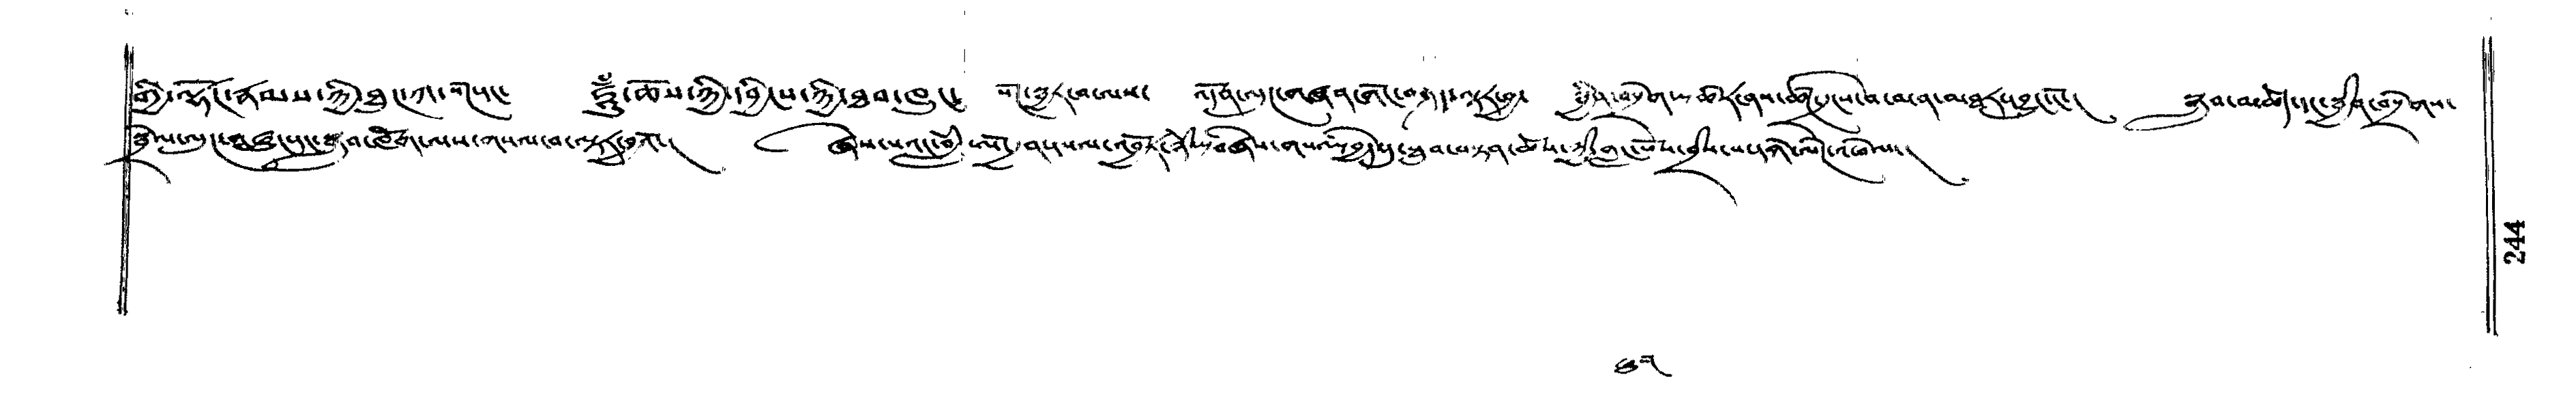གྱི་ལྷ་ཚོགས་རྣམས་ཀྱི་ཐུགས་ཀ༴ སོགས་དང་། ཧཱུྃ། ཆོས་ཀྱི་དབྱིངས་ཀྱི་ཐབ་ཁུང༴སོགས་སྦྱོར་བ་ལས་འདོན་ལུགས་གཞན་གོང་བཤད་ལྟར་བྱ། སྦྱིན་སྲེག་ཚར་ནས་ཚོགས་དྲང་བ་མན་མཐར་དབྱུང་། སྒྲུབ་མཆོད་དང་སྦྱིན་སྲེག་
སྦྲེལ་ལུགས་གཞུང་དང་སྒྲུབ་ཁོག་ལས་གསལ་བ་ལྟར་བྱའོ། ཞེས་པའང་བླ་མ་ཨོ་རྒྱན་དཔལ་འབྱོར་གྱི་ཉམས་བཞེས་གསལ་བྱེད་དུ་ཐུབ་བསྟན་ཆོས་ཀྱི་གླང་པོས་བྲིས་པ་དགེ་ལེགས་འཕེལ།། བཀྲ་ཤིས།།